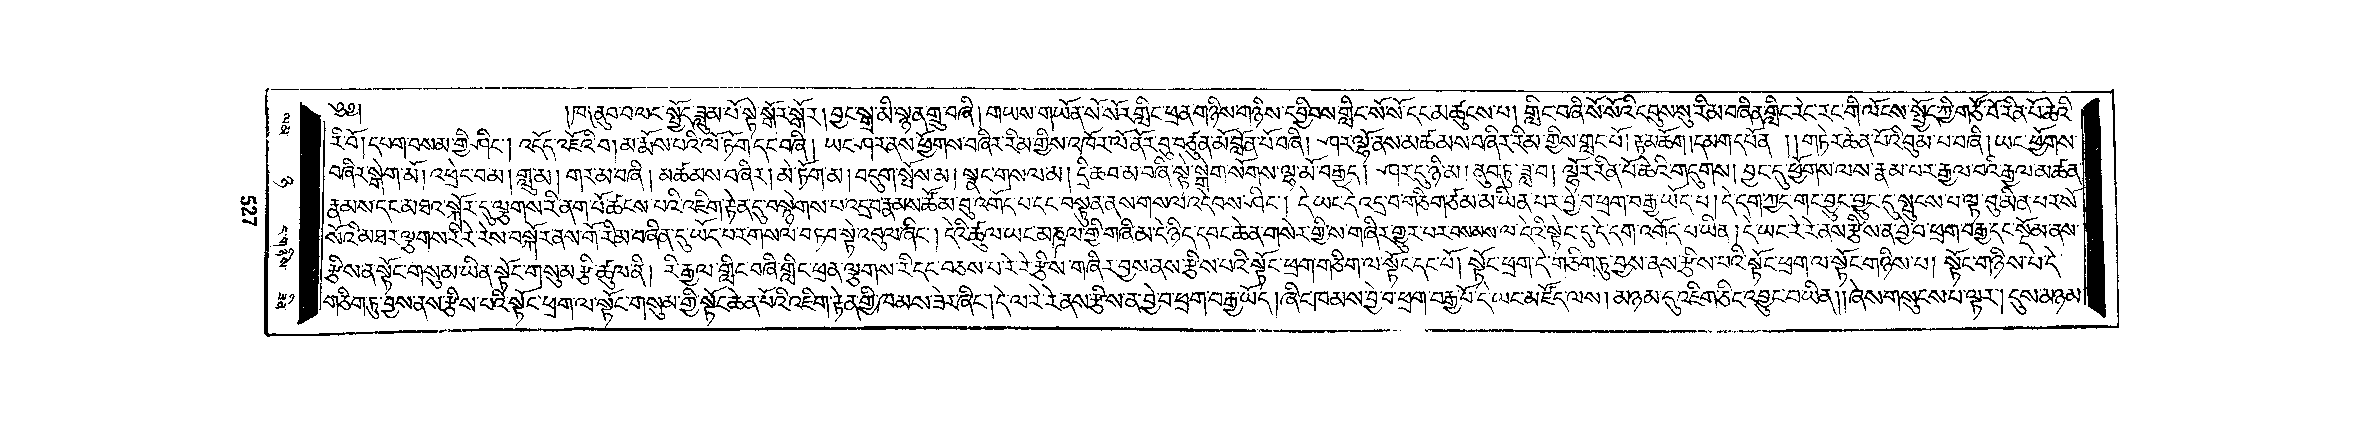༄༅། །ཁ། ནུབ་བ་ལང་སྤྱོད་ཟླུམ་པོ་སྟེ་སྒོར་སྒོར། བྱང་སྒྲ་མི་སྙན་གྲུ་བཞི། གཡས་གཡོན་སོ་སོར་གླིང་ཕྲན་གཉིས་གཉིས་དབྱིབས་གླིང་སོ་སོར་དང་མཚུངས་པ། གླིང་བཞི་སོ་སོའི་དབུས་སུ་རིམ་བཞིན་གླིང་རེང་རང་གི་ལོངས་སྤྱོད་ཀྱི་གཙོ་བོ་རིན་པོ་ཆེའི་
རི་བོ། དཔག་བསམ་གྱི་ཤིང་། འདོད་འཇོའི་བ། མ་རྨོས་པའི་ལོ་ཏོག་དང་བཞི། ཡང་ཤར་ནས་ཕྱོགས་བཞིར་རིམ་གྱིས་འཁོར་ལོ་ནོར་བུ་བཙུན་མོ་བློན་པོ་བཞི། ཤར་ལྷོ་ནས་མཚམས་བཞིར་རིམ་གྱིས་གླང་པོ། རྟ་མཆོག །དམག་དཔོན། །གཏེར་ཆེན་པོའི་བུམ་པ་བཞི། ཡང་ཕྱོགས་
བཞིར་སྒེག་མོ། འཕྲེང་བ་མ། གླུ་མ། གར་མ་བཞི། མཚམས་བཞིར། མེ་ཏོག་མ། བདུག་སྤོས་མ། སྣང་གསལ་མ། དྲི་ཆབ་མ་བཞི་སྟེ་སྒེག་སོགས་ལྷ་མོ་བརྒྱད། ཤར་དུ་ཉི་མ། ནུབ་ཏུ་ཟླ་བ། ལྷོར་རིན་པོ་ཆེའི་གདུགས། བྱང་དུ་ཕྱོགས་ལས་རྣམ་པར་རྒྱལ་བའི་རྒྱལ་མཚན་
རྣམས་དང་མཐའ་སྐོར་དུ་ལྕགས་རི་ནག་པོ་ཚངས་པའི་འཇིག་རྟེན་དུ་བསྙེགས་པ་འདྲ་བ་རྣམས་ཚོམ་བུ་འགོད་པ་དང་བསྟུན་ནས་གསལ་འདེབས་ཤིང་། དེ་ཡང་དེ་འདྲ་བ་གཅིག་ཙམ་མ་ཡིན་པར་བྱེ་བ་ཕྲག་བརྒྱ་ཡོད་པ། དེ་དག་ཀྱང་གང་བྱུང་བྱུང་དུ་སྤུངས་པ་ལྟ་བུ་མིན་པར་སོ་
སོའི་མཐར་ལྕགས་རི་རེ་རེས་བསྐོར་ནས་གོ་རིམ་བཞིན་དུ་ཡོད་པར་གསལ་བཏབ་སྟེ་འབུལ་ཞིང་། དེའི་ཚུལ་ཡང་མཎྜལ་གྱི་གཞི་མ་དེ་ཉིད་དབང་ཆེན་གསེར་གྱི་ས་གཞིར་གྱུར་པར་བསམས་ལ་དེའི་སྟེང་དུ་དེ་དག་འགོད་པ་ཡིན། དེ་ཡང་རེ་རེ་ནས་རྩིས་ན་བྱེ་བ་ཕྲག་བརྒྱ་དང་སྡོམ་ནས་
རྩིས་ན་སྟོང་གསུམ་ཡིན་སྟོང་གསུམ་རྩི་ཚུལ་ནི། རི་རྒྱལ་གླིང་བཞི་གླིང་ཕྲན་ལྕགས་རི་དང་བཅས་པ་རེ་རེ་རྩིས་གཞིར་བྱས་ནས་རྩིས་པའི་སྟོང་ཕྲག་གཅིག་ལ་སྟོང་དང་པོ། སྟོང་ཕྲག་དེ་གཅིག་ཏུ་བྱས་ནས་རྩིས་པའི་སྟོང་ཕྲག་ལ་སྟོང་གཉིས་པ། སྟོང་གཉིས་པ་དེ་
གཅིག་ཏུ་བྱས་ནས་རྩིས་པའི་སྟོང་ཕྲག་ལ་སྟོང་གསུམ་གྱི་སྟོང་ཆེན་པོའི་འཇིག་རྟེན་གྱི་ཁམས་ཟེར་ཞིང་། དེ་ལ་རེ་རེ་ནས་རྩིས་ན་བྱེ་བ་ཕྲག་བརྒྱ་ཡོད། ཞིང་ཁམས་བྱེ་བ་ཕྲག་བརྒྱ་པོ་དེ་ཡང་མཛོད་ལས། མཉམ་དུ་འཇིག་ཅིང་འབྱུང་བ་ཡིན། །ཞེས་གསུངས་པ་ལྟར། དུས་མཉམ་